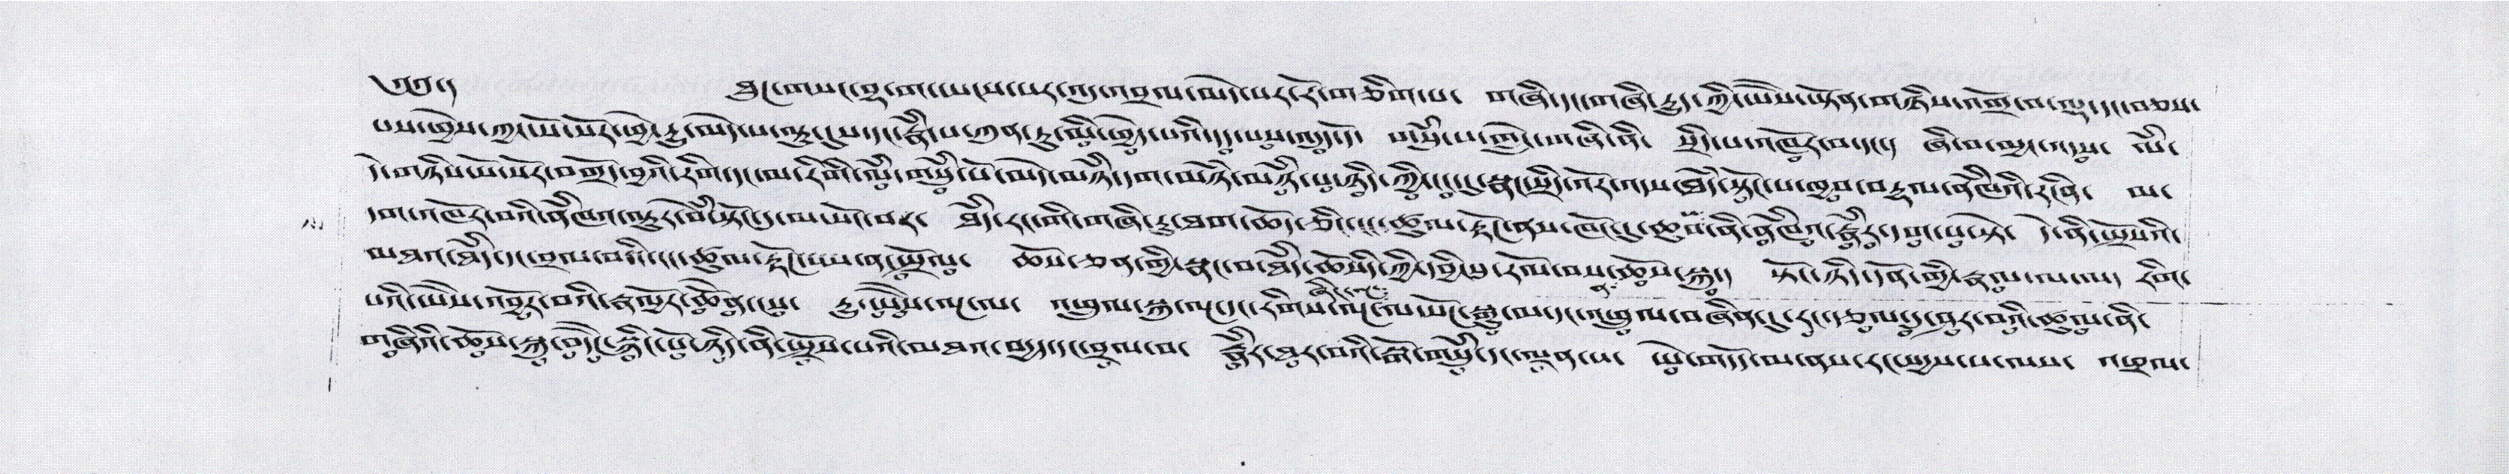ཐུགས་གསང་བྷ་ག་ཡངས་པར་འདུ་འབྲལ་མེད་པར་རོ་གཅིག་པ། གཞི་དང་གཞི་རྒྱུད་ཀྱི་ཡེ་ཤེས་ཡོན་ཏན་གཉིས་འགྲོ་བ་ལྷ་དང་བཅས་
པས་ཕྱེས་ཀྱང་སོ་སོར་ཕྱེ་རྒྱུ་མེད་པ་ལྟ་བུ་དུས་དང་རྣམ་པ་ཀུན་ཏུ་མི་ཕྱེད་པའི་དད་པས་འདུད་དོ། གསུམ་པ་གླེང་གཞི་ནི། སྲིད་པ་འཁོར་བ་དང་། ཞི་བ་མྱང་འདས། ལམ་
དེ་གཉིས་སོ་སོར་བགྲོད་བྱའི་རིག་དང་མ་རིག་གི་ལམ་གསུམ་པོ་མེད་མཉམ་དག་མཉམ་མཉམ་པ་ཉིད་ཀྱི་ངང་དུ་སྣང་སྲིད་འཁོར་འདས་ཐམས་ཅད་སྟོང་པ་ཁྱབ་བརྡལ་ནམ་མཁའི་རང་བཞིན། མ་
དག་འཁོར་བའི་ནམ་མཁའ་ལྟ་བུར་བེམ་སྟོང་དུ་མ་སོང་བར། ཐམས་ཅད་རང་གི་གཞི་རུ་ཐག་ཆོད་ཅིང་ངང་ཚུལ་རྟོགས་ནས་ཁོང་དུ་ཆུབ་པ་ནི། ནམ་མཁའ་རྣམ་པར་དག་པ་སྟེ། དེ་ནི་སྤྲོས་པའི་
མཐའ་ཐམས་ཅད་དང་བྲལ་བའི་ངང་ཚུལ་རྟོགས་པས་ན་སྤྲོས་བྲལ། ཆོས་ཅན་གྱི་སྣང་བ་ཐམས་ཅད་ཆོས་ཉིད་ཀྱི་ཀློང་དུ་རོལ་པས་ན་ཆོས་སྐུ། སྟོང་ཉིད་དོན་གྱི་རྣལ་མ་ལ། རིག་
པའི་ཡེ་ཤེས་འབྱོར་བའི་རྣལ་འབྱོར་ཆེན་པོ་ངས། རྒྱུ་ཡེ་ཤེས་ལྔ་ལ་འཕྲུལ་སྐུ་ལྔ་དང་རིགས་ལྔ་ཞིང་ལྔ་ལ་སོགས་སྒྱུ་མ་དང་འཕྲུལ་བཞིན་དུ་རང་རྩལ་དུ་ཤར་བའི་ཚུལ་ནི་
གཞིའི་ཆོས་སྐུ་བདེར་གཤེགས་སྙིང་པོ་ཉིད་ནི་སྤྲོས་པའི་མཐའ་བརྒྱད་དང་བྲལ་བ། རྣམ་པར་ཐར་པའི་སྒོ་གསུམ་དང་ལྡན་པ། ཡེ་གདོད་མ་ནས་རང་སངས་རྒྱས་པ་ལས། འཕྲལ་